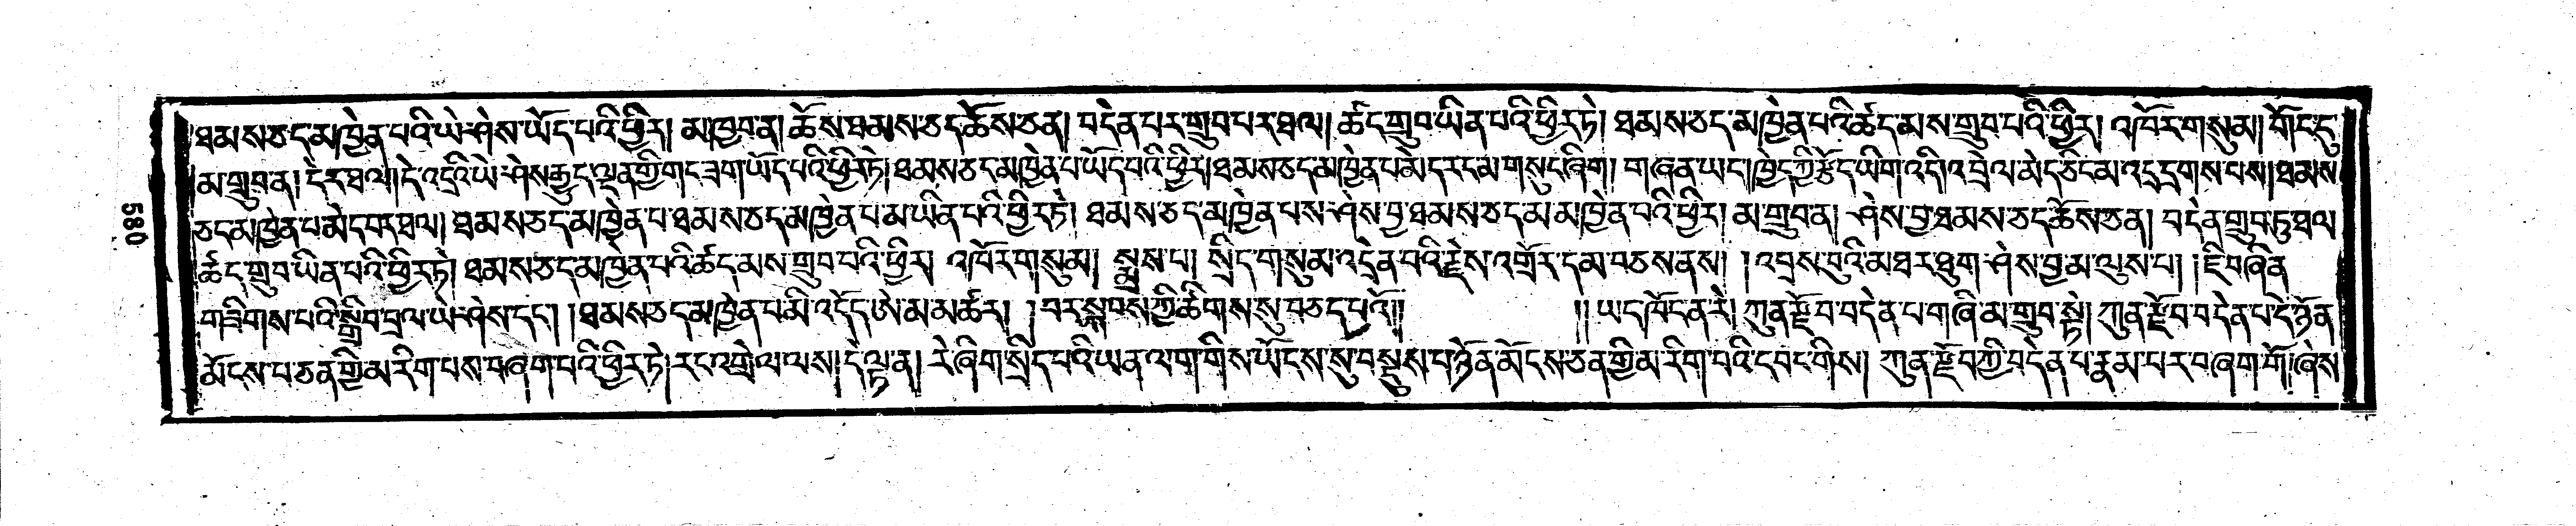ཐམས་ཅད་མཁྱེན་པའི་ཡེ་ཤེས་ཡོད་པའི་ཕྱིར། མ་ཁྱབ་ན། ཆོས་ཐམས་ཅད་ཆོས་ཅན། བདེན་པར་གྲུབ་པར་ཐལ། ཚད་གྲུབ་ཡིན་པའི་ཕྱིར་ཏེ། ཐམས་ཅད་མཁྱེན་པའི་ཚད་མས་གྲུབ་པའི་ཕྱིར། འཁོར་གསུམ། གོང་དུ་
མ་གྲུབ་ན། དེར་ཐལ། དེ་འདྲའི་ཡེ་ཤེས་རྒྱུད་ལྡན་གྱི་གང་ཟག་ཡོད་པའི་ཕྱིར་ཏེ། ཐམས་ཅད་མཁྱེན་པ་ཡོད་པའི་ཕྱིར། ཐམས་ཅད་མཁྱེན་པ་མེད་རང་མ་གསུང་ཞིག །གཞན་ཡང་། ཁྱེད་ཀྱི་རྩོད་ཡིག་འདི། འབྲེལ་མེད་ཅིང་མ་འདྲ་དྲགས་པས། ཐམས་
ཅད་མཁྱེན་པ་མེད་པར་ཐལ། ཐམས་ཅད་མཁྱེན་པ་ཐམས་ཅད་མཁྱེན་པ་མ་ཡིན་པའི་ཕྱིར་ཏེ། ཐམས་ཅད་མཁྱེན་པས་ཤེས་བྱ་ཐམས་ཅད་མ་མཁྱེན་པའི་ཕྱིར། མ་གྲུབ་ན་ཤེས་བྱ་ཐམས་ཅ་ཆོས་ཅན། བདེན་གྲུབ་ཏུ་ཐལ།
ཚད་གྲུབ་ཡིན་པའི་ཕྱིར་ཏེ། ཐམས་ཅད་མཁྱེན་པ་ཚད་མས་གྲུབ་པའི་ཕྱིར། འཁོར་གསུམ། སྨྲས་པ། སྲིད་གསུམ་འདྲེན་པའི་རྗེས་འགྲོར་དམ་བཅས་ནས། །འབྲས་བུའི་མཐར་ཐུག་ཤེས་བྱ་མ་ལུས་པ། །ཇི་བཞིན་
གཟིགས་པའི་སྒྲིབ་བྲལ་ཡེ་ཤེས་དང་། །ཐམས་ཅད་མཁྱེན་པ་མི་འདོད་ཨེ་མ་མཚར། །བར་སྐབས་ཀྱི་ཚིགས་སུ་བཅད་པའོ།། །།ཡང་ཁོ་ན་རེ། ཀུན་རྫོབ་བདེན་པ་གཞི་མ་གྲུབ་སྟེ། ཀུན་རྫོབ་བདེན་པ་དེ་ཉོན་
མོངས་པ་ཅན་གྱི་མ་རིག་པས་བཞག་པའི་ཕྱིར་ཏེ། རང་འགྲེལ་ལས། དེ་ལྟ་ན། རེ་ཞིག་སྲིད་པའི་ཡན་ལག་གིས་ཡོངས་སུ་བསྡུས་པ་ཉོན་མོངས་ཅན་གྱི་མ་རིག་པའི་དབང་གིས། ཀུན་རྫོབ་ཀྱི་བདེན་པ་རྣམ་པར་བཞག་གོ །ཞེས་